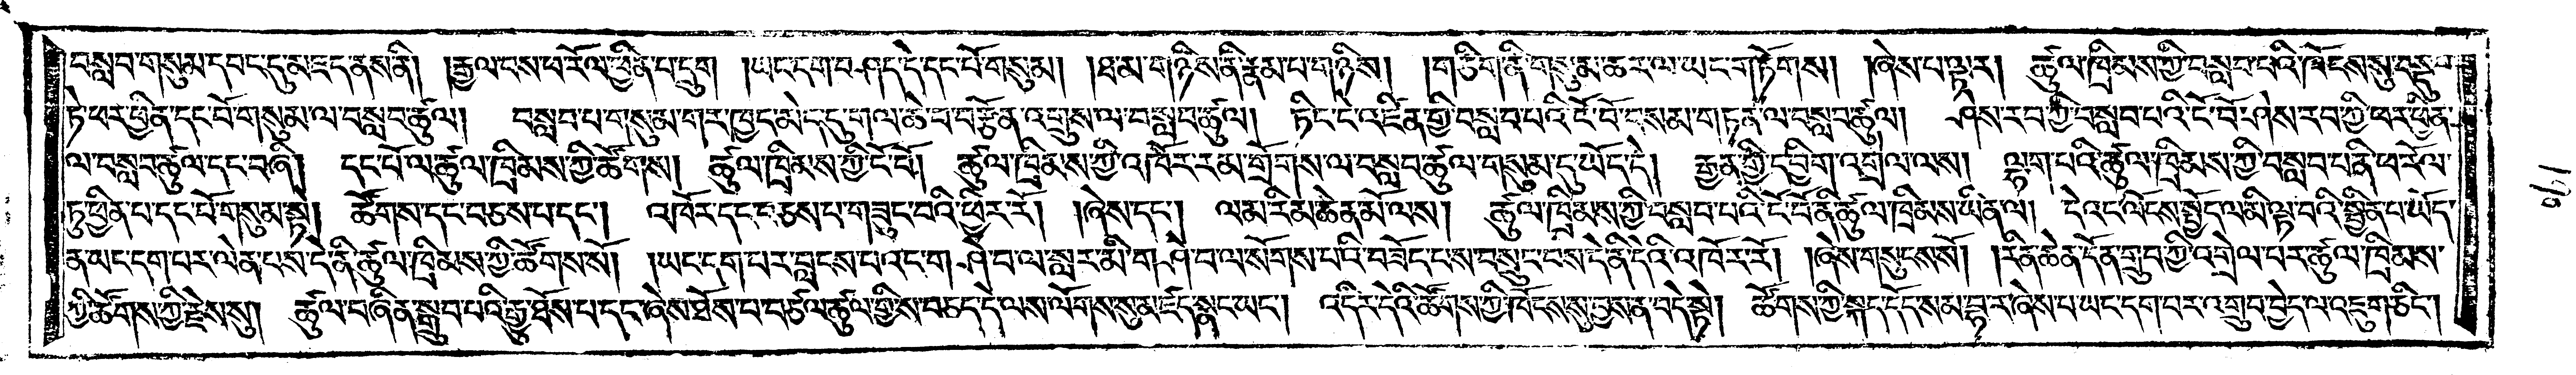བསླབ་གསུམ་དབང་དུ་མཛད་ནས་ནི། །རྒྱལ་བས་ཕ་རོལ་ཕྱིན་པ་དྲུག །ཡང་དག་བཤད་དེ་དང་པོ་གསུམ། །ཐེམ་གཉིས་ན་རྣམ་པ་གཉིས། །གཅིག་ནི་གསུམ་ཆར་ལ་ཡང་གཏོགས། །ཞེས་པ་ལྟར། ཚུལ་ཁྲིམས་ཀྱི་བསླབ་པའི་ཁོངས་སུ་བསྡུས་
ཏེ་ཕར་ཕྱིན་དང་པོ་གསུམ་ལ་བསླབ་ཚུལ། བསླབ་པ་གསུམ་གར་ཁྱད་མེད་དུ་གལ་ཆེ་བ་བརྩོན་འགྲུས་ལ་བསླབ་ཚུལ། ཏིང་ངེ་འཛིན་གྱི་བསླབ་པའི་ངོ་བོ་བསམ་གཏན་ལ་བསླབ་ཚུལ། ཤེས་རབ་ཀྱི་བསླབ་པའི་ངོ་བོ་ཤེས་རབ་ཀྱི་ཕར་ཕྱིན་
ལ་བསླབ་ཚུལ་དང་བཞི། དང་པོ་ལ་ཚུལ་ཁྲིམས་ཀྱི་ཚོགས། ཚུལ་ཁྲིམས་ཀྱི་ངོ་བོ། །ཚུལ་ཁྲིམས་ཀྱི་འཁོར་རམ་གྲོགས་ལ་བསླབ་ཚུལ་གསུམ་དུ་ཡོད་དེ། རྒྱན་གྱི་དབྱིག་འགྲེལ་ལས། ལྷག་པའི་ཚུལ་ཁྲིམས་ཀྱི་བསླབ་པ་ནི་ཕ་རོལ་
ཏུ་ཕྱིན་པ་དང་པོ་གསུམ་སྟེ། ཚོགས་དང་བཅས་པ་དང་། འཁོར་དང་བཅས་པ་གཟུང་བའི་ཕྱིར་རོ། །ཞེས་དང་། ལམ་རིམ་ཆེན་མོ་ལས། ཚུལ་ཁྲིམས་ཀྱི་བསླབ་པའི་ངོ་བོ་ནི་ཚུལ་ཁྲིམས་ཡིན་ལ། དེའང་ལོངས་སྤྱོད་ལ་མི་ལྟ་བའི་སྤྱིན་པ་ཡོད་
ན་ཡང་དག་བར་ལེན་པས་དེ་ནི་ཚུལ་ཁྲིམས་ཀྱི་ཚོགས་སོ། །ཡང་དག་པར་བླངས་པའང་གཤེ་བ་ལ་སླར་མི་གཤེ་བ་ལ་སོགས་པའི་བཟོད་པས་བསྲུང་བས་དེ་ནི་དེའི་འཁོར་རོ། །ཞེས་གསུངས་སོ། །རིན་ཆེན་དོན་གྲུབ་ཀྱི་འགྲེལ་པར་ཚུལ་ཁྲིམས་
ཀྱི་ཚོགས་ཀྱི་རྗེས་སུ། ཚུལ་བཞིན་སྒྲུབ་བའི་རྒྱུ་ཐོས་པ་དང་ཞེས་ཐོས་པ་བཙལ་ཚུལ་གྱིས་བཅད་དེ་ལས་ལོགས་སུ་མཛད་སྣང་ཡང་། འདིར་དེའི་ཚོགས་ཀྱི་ཁོངས་སུ་བྱས་ན་བདེ་སྟེ། ཚོགས་ཀྱི་སྐད་དོད་སམྦྷར་ཞེས་པ་ཡང་དག་པར་འགྲུབ་བྱེད་ལ་འཇུག་ཅིང་།